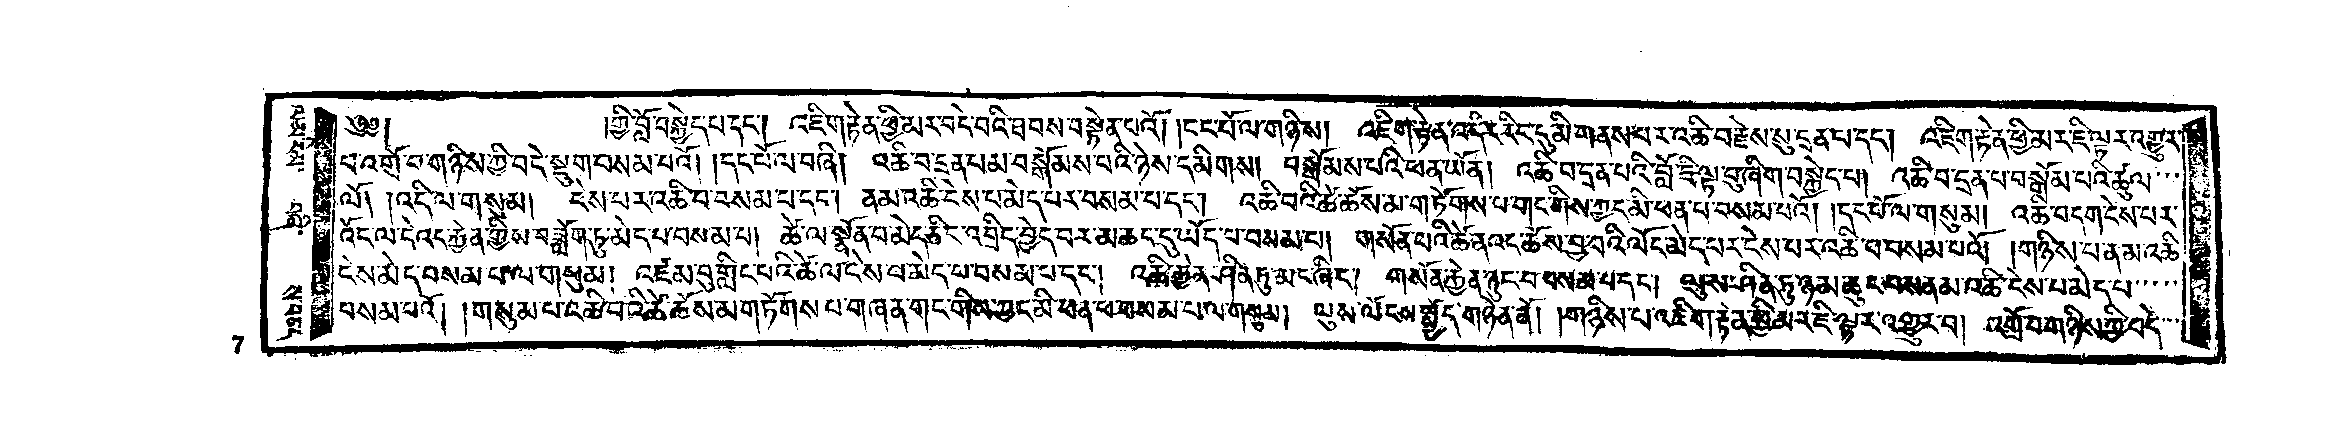༄༅། །གྱི་བློ་བསྐྱེད་པ་དང་། འཇིག་རྟེན་ཕྱི་མར་བདེ་བའི་ཐབས་བསྟེན་པའོ། །དང་པོ་ལ་གཉིས། འཇིག་རྟེན་འདིར་རིང་དུ་མི་གནས་པར་འཆི་བ་རྗེས་སུ་དྲན་པ་དང་། འཇིག་རྟེན་ཕྱི་མར་ཇི་ལྟར་འགྱུར་
པ་འགྲོ་བ་གཉིས་ཀྱི་བདེ་སྡུག་བསམ་པའོ། །དང་པོ་ལ་བཞི། འཆི་བ་དྲན་པ་མ་བསྒོམས་པའི་ཉེས་དམིགས། བསྒོམས་པའི་ཕན་ཡོན། འཆི་བ་དྲན་པའི་བློ་ཇི་ལྟ་བུ་ཞིག་བསྐྱེད་པ། འཆི་བ་དྲན་པ་བསྒོམ་པའི་ཚུལ་
ལོ༑ །འདི་ལ་གསུམ། ངེས་པར་འཆི་བ་བསམ་པ་དང་། ནམ་འཆི་ངེས་པ་མེད་པར་བསམ་པ་དང་། འཆི་བའི་ཚེ་ཆོས་མ་གཏོགས་པ་གང་གིས་ཀྱང་མི་ཕན་པ་བསམ་པའོ། །དང་པོ་ལ་གསུམ། འཆི་བདག་ངེས་པར་
འོང་ལ་དེའང་རྐྱེན་གྱིས་བཟློག་ཏུ་མེད་པ་བསམ་པ། ཚེ་ལ་སྣོན་པ་མེད་ཅིང་འབྲིང་བྱེད་པར་མ་ཆད་དུ་ཡོད་པ་བསམ་པ། གསོན་པའི་ཚེ་ནའང་ཆོས་བྱ་བའི་ལོང་མེད་པར་ངེས་པར་འཆི་བ་བསམ་པའོ། །གཉིས་པ་ནམ་འཆི་
ངེས་མེད་བསམ་པ་ལ་གསུམ། འཛམ་བུ་གླིང་པའི་ཚེ་ལ་ངེས་པ་མེད་པ་བསམ་པ་དང་། འཆི་རྐྱེན་ཤིན་ཏུ་མང་ཞིང་། གསོན་རྐྱེན་ཉུང་བ་བསམ་པ་དང་། ལུས་ཤིན་ཏུ་ཉམ་ཆུང་བས་ནམ་འཆི་ངེས་པ་མེད་པ་
བསམ་པའོ། །གསུམ་པ་འཆི་བའི་ཚེ་ཆོས་མ་གཏོགས་པ་གཞན་གང་གིས་ཀྱང་མི་ཕན་པ་བསམ་པ་ལ་གསུམ། ལུས་ལོངས་སྤྱོད་གཉེན་ནོ། །གཉིས་པ་འཇིག་རྟེན་ཕྱི་མར་ཇི་ལྟར་འགྱུར་བ། འགྲོ་བ་གཉིས་ཀྱི་བདེ་